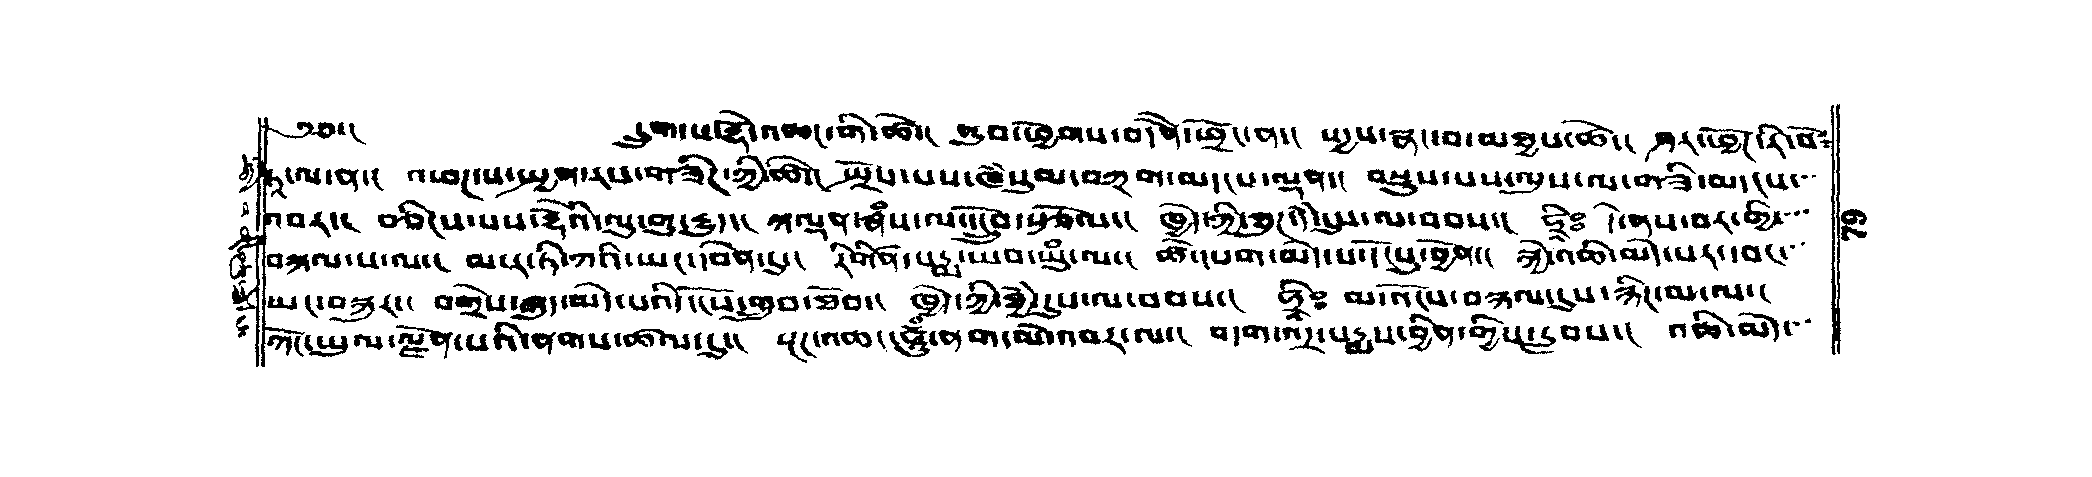དྲུག་པ་རྡོ་རྗེ་འཆང་གི་ཚེ། ནུབ་ཕྱོགས་བདེ་ཆེན་ཕོ་བྲང་ན། སངས་རྒྱས་སྣང་བ་མཐའ་ཡས་ཚེ། ཤར་ཕྱོགས་རི་བོ་
ཏཱ་ལ་ན། འཕགས་པ་སྤྱན་རས་གཟིགས་ཀྱི་ཚེ། སྤྲོས་པས་ཁམས་གསུམ་བཀྲག་མདངས་ལྡན། བསྡུས་པས་ལུས་ལ་གཟི་མདངས་
འབར། བཅིངས་པས་རྡོ་རྗེའི་ལུ་གུ་རྒྱུད། སྐལ་ལྡན་རྣམས་ལ་དངོས་གྲུབ་སྩོལ། ཁྱེད་ཀྱི་ཐུགས་དམ་དུས་ལ་བབས། ཧྲཱིཿ དེ་ནས་བར་གྱི་
བསྐལ་པ་ལ། མ་ར་ཏི་ཀའི་ཡང་དབེན་དུ། རིག་འཛིན་པདྨ་ཡབ་ཡུམ་ལ། ཚེ་དཔག་མེད་པ་དངོས་སུ་བྱོན། སྐྱེ་འཆི་མེད་པར་དབང་
ཡང་བསྐུར། བགྲེས་རྒུད་མེད་པའི་དངོས་གྲུབ་ཐོབ། ཁྱེད་ཀྱི་ཐུགས་དམ་དུས་ལ་བབས། ཧྲཱིཿ མ་འོང་བསྐལ་དུས་སྙིགས་མ་ལ་
ཀོང་ཡུལ་ལྗོན་པའི་ནགས་ཚལ་དུ། སྔགས་འཆང་ཧཱུྃ་ནག་མོ་འབར་ལ། བདག་འདྲ་པདྨས་བྱིན་གྱིས་རླབས། འཆི་མེད་